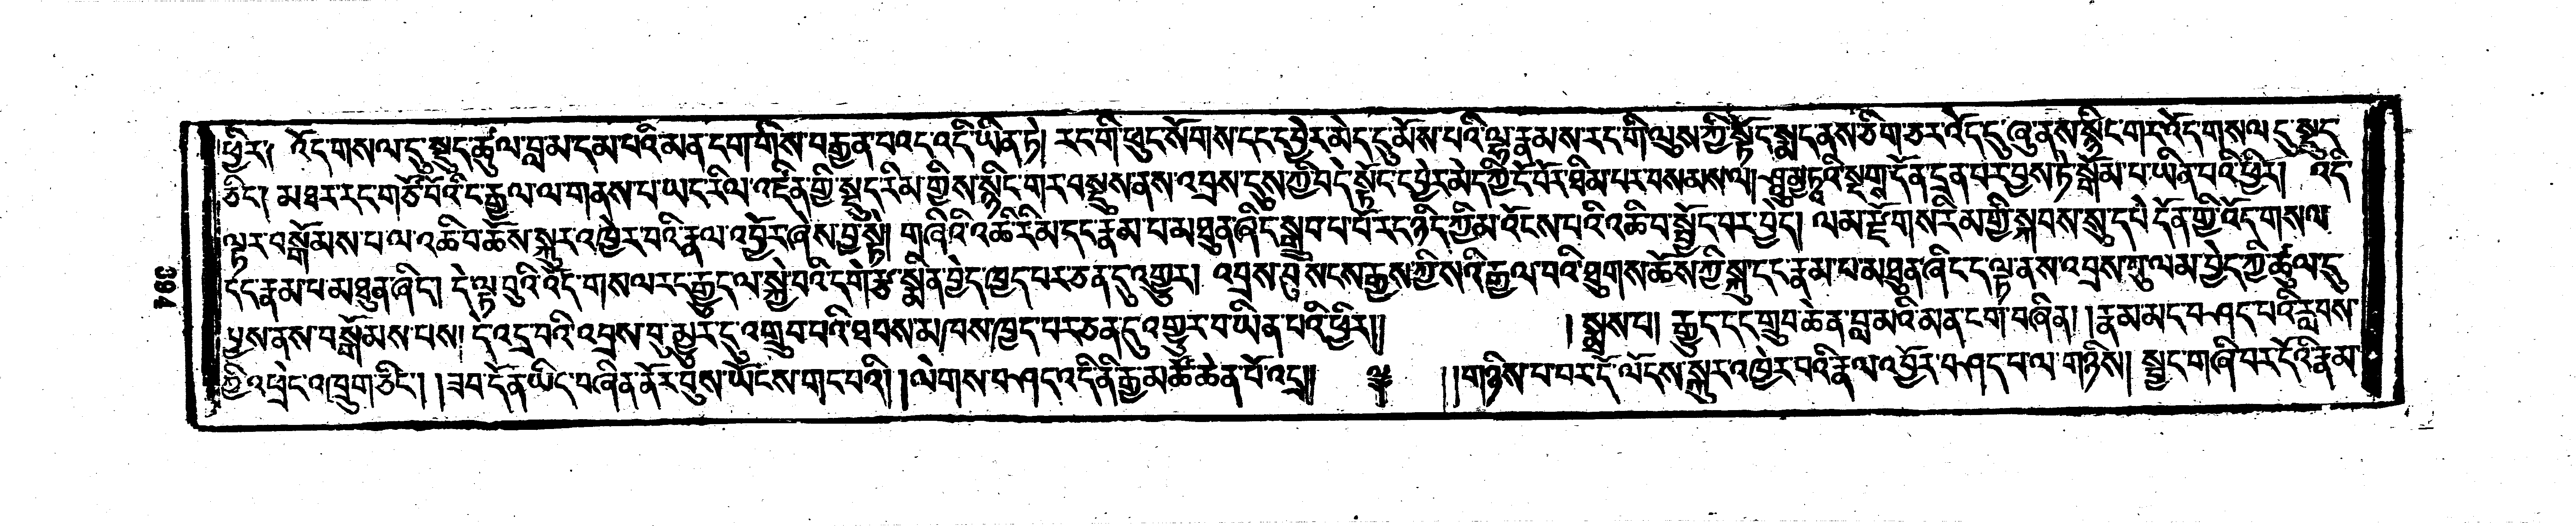ཕྱིར༑ འོད་གསལ་དུ་སྡུད་ཚུལ་བླ་མ་དམ་པའི་མན་ངག་གིས་བརྒྱན་པའང་འདི་ཡིན་ཏེ། རང་གི་ཕུང་སོགས་དང་དབྱེར་མེད་དུ་མོས་པའི་ལྷ་རྣམས་རང་གི་ལུས་ཀྱི་སྟོད་སྨད་ནས་ཅིག་ཅར་འོད་དུ་ཞུ་ནས་སྙིང་གར་འོད་གསལ་དུ་སྡུད་
ཅིང༑ མཐར་རང་གཙོ་བོའི་ང་རྒྱལ་ལ་གནས་པ་ཡང་རིལ་འཛིན་གྱི་སྡུད་རིམ་གྱིས་སྙིང་གར་བསྡུས་ནས་འབྲས་དུས་ཀྱི་བདེ་སྟོང་དབྱེར་མེད་ཀྱི་ངོ་བོར་ཐིམ་པར་བསམས་ལ། ཤཱུ་ནྱ་ཏཱའི་སྔགས་དོན་དྲན་པར་བྱས་ཏེ་སྒོམ་པ་ཡིན་པའི་ཕྱིར། འདི་
ལྟར་བསྒོམས་པ་ལ་འཆི་བ་ཆོས་སྐུར་འཁྱེར་བའི་རྣལ་འབྱོར་ཞེས་བྱ་སྟེ། གཞིའི་འཆི་རིམ་དང་རྣམ་པ་མཐུན་ཞིང་སྒྲུབ་པ་པོ་རང་ཉིད་ཀྱི་མ་འོངས་པའི་འཆི་བ་སྤྱོད་པར་བྱེད། ལམ་རྫོགས་རིམ་གྱི་སྐབས་སུ་དཔེ་དོན་གྱི་འོད་གསལ་
དང་རྣམ་པ་མཐུན་ཞིང་། དེ་ལྟ་བུའི་འོད་གསལ་རང་རྒྱུད་ལ་སྐྱེ་བའི་དགེ་རྩ་སྨིན་བྱེད་ཁྱད་པར་ཅན་དུ་འགྱུར། འབྲས་བུ་སངས་རྒྱས་ཀྱི་སའི་རྒྱལ་བའི་ཐུགས་ཆོས་ཀྱི་སྐུ་དང་རྣམ་པ་མཐུན་ཞིང་ད་ལྟ་ནས་འབྲས་བུ་ལམ་བྱེད་ཀྱི་ཚུལ་དུ་
བྱས་ནས་བསྒོམས་པས། དེ་འདྲ་བའི་འབྲས་བུ་མྱུར་དུ་འགྲུབ་པའི་ཐབས་མཁས་ཁྱད་པར་ཅན་དུ་འགྱུར་བ་ཡིན་པའི་ཕྱིར།། །།སྨྲས་པ། རྒྱུད་དང་གྲུབ་ཆེན་བླ་མའི་མན་ངག་བཞིན། །རྣམ་མང་བཤད་པའི་རླབས་
ཀྱི་འཕྲེང་འཁྲུག་ཅིང་། །ཟབ་དོན་ཡིད་བཞིན་ནོར་བུས་ཡོངས་གང་བའི། །ལེགས་བཤད་འདི་ནི་རྒྱ་མཚོ་ཆེན་པོ་འདྲ།། ༈ །།གཉིས་པ་བར་དོ་ལོངས་སྐུར་འཁྱེར་བའི་རྣལ་འབྱོར་བཤད་པ་ལ་གཉིས། སྦྱང་གཞི་བར་དོའི་རྣམ་